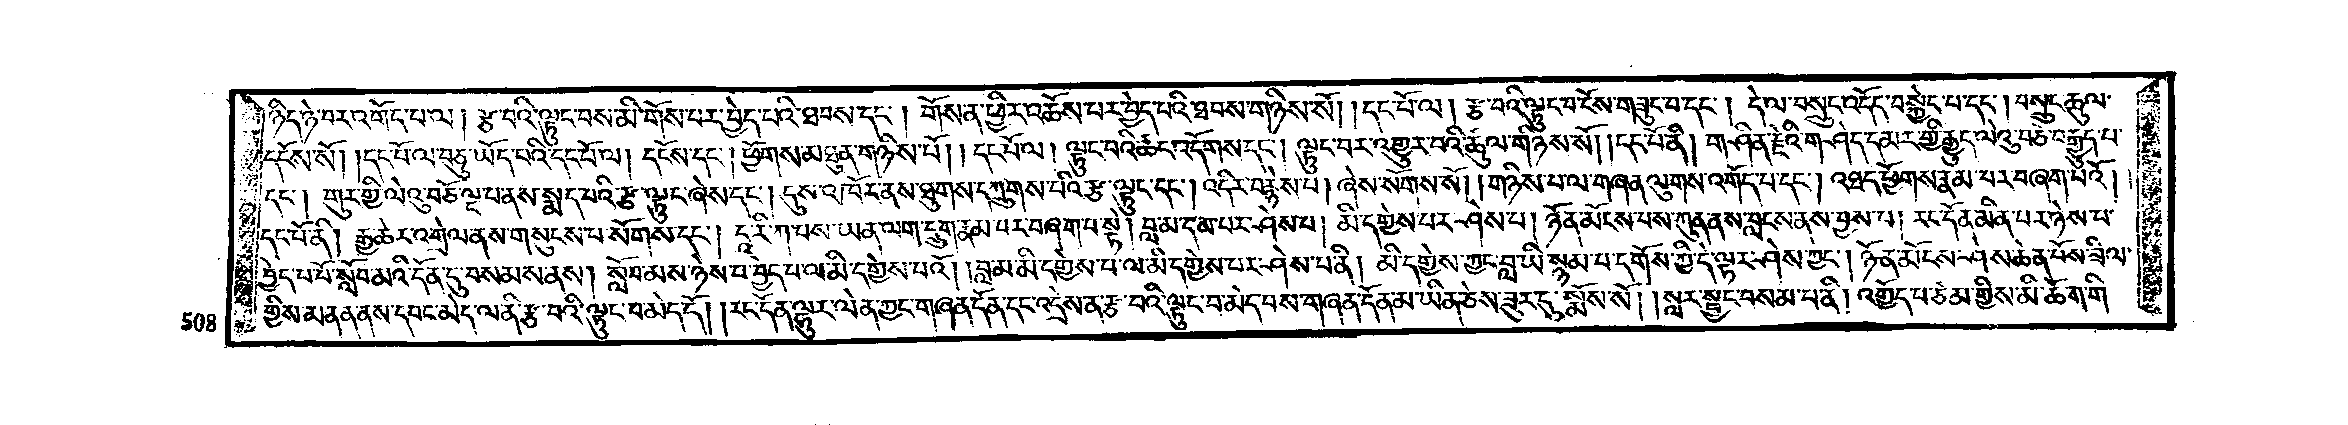ཉིད་ཉེ་བར་འགོད་པ་ལ། རྩ་བའི་ལྟུང་བས་མི་གོས་པར་བྱེད་པའི་ཐབས་དང་། གོས་ན་ཕྱིར་འཆོས་པར་བྱེད་པའི་ཐབས་གཉིས་སོ། །དང་པོ་ལ། རྩ་བའི་ལྟུང་བ་ངོས་གཟུང་བ་དང་། དེ་ལ་བསྲུང་འདོད་བསྐྱེད་པ་དང་། བསྲུང་ཚུལ་
དངོས་སོ། །དང་པོ་ལ་བཅུ་ཡོད་པའི་དང་པོ་ལ། དངོས་དང་། ཕྱོགས་མཐུན་གཉིས་པོ། །དང་པོ་ལ། ལྟུང་བའི་ཚང་འདོགས་དང་། ལྟུང་བར་འགྱུར་བའི་ཚུལ་གཉིས་སོ། །དང་པོ་ནི། གཤིན་རྗེའི་གཤེད་དམར་གྱི་རྒྱུད་ལེའུ་བཅོ་བརྒྱད་པ་
དང་། གུར་གྱི་ལེའུ་བཅོ་ལྔ་པ་ནས་སྨད་པའི་རྩ་ལྟུང་ཞེས་དང་། དུས་འཁོར་ནས་ཐུགས་དཀྲུགས་པའི་རྩ་ལྟུང་དང་། འདིར་བརྙེས་པ། ཞེས་སོགས་སོ། །གཉིས་པ་ལ་གཞན་ལུགས་འགོད་པ་དང་། འཐད་ཕྱོགས་རྣམ་པར་བཞག་པའོ། །
དང་པོ་ནི། རྒྱ་ཆེར་འགྲེལ་ནས་གསུངས་པ་སོགས་དང་། དཱ་རི་ཀ་པས་ཡན་ལག་དྲུག་རྣམ་པར་བཞག་པ་སྟེ། བླ་མ་དམ་པར་ཤེས་པ། མི་དགྱེས་པར་ཤེས་པ། ཉོན་མོངས་པས་ཀུན་ནས་བླངས་ནས་བྱས་པ། རང་དོན་མིན་པར་ཉེས་པ་
བྱེད་པ་པོ་སློབ་མའི་དོན་དུ་བསམས་ནས། སློབ་མས་ཉེས་པ་བྱེད་པ་ལ་མི་དགྱེས་པའོ། །བླ་མ་མི་དགྱེས་པ་ལ་མི་དགྱེས་པར་ཤེས་པ་ནི། མི་དགྱེས་ཀྱང་བླ་ཡི་སྙམ་པ་དགོས་ཀྱི་དེ་ལྟར་ཤེས་ཀྱང་། ཉོན་མོངས་ཤེས་ཆེན་པོས་ཟིལ་
གྱིས་མནན་ནས་དབང་མེད་ལ་ནི་རྩ་བའི་ལྟུང་བ་མེད་དོ། །རང་དོན་ལྷུར་ལེན་ཀྱང་གཞན་དོན་དང་འདྲེས་ན་རྩ་བའི་ལྟུང་བ་མེད་པས་གཞན་དོན་མ་ཡིན་ཅེས་ཟུར་དུ་སྨོས་སོ། །སླར་སྦྱང་བསམ་པ་ནི། འགྱོད་པ་ཙམ་གྱིས་མི་ཆོག་གི་